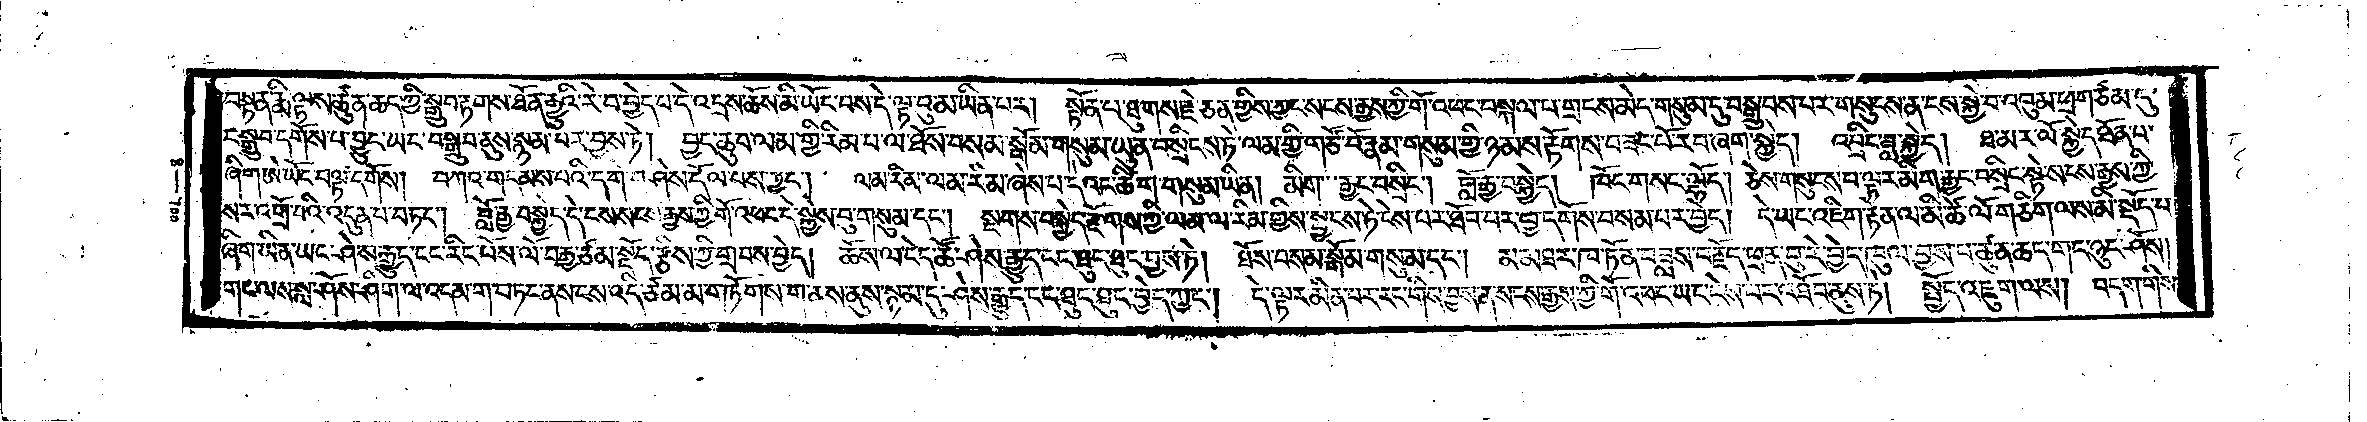བསྟན་རྨི་ལྟས་ཚུན་ཆད་ཀྱི་སྒྲུབ་རྟགས་ཐོན་རྒྱུའི་རེ་བ་བྱེད་པ་དེ་འདྲས་ཆོས་མི་ཡོང་བས་དེ་ལྟ་བུ་མ་ཡིན་པར། སྟོན་པ་ཐུགས་རྗེ་ཅན་གྱིས་ཀྱང་སངས་རྒྱས་ཀྱི་གོ་འཕང་བསྐལ་པ་གྲངས་མེད་གསུམ་དུ་བསྒྲུབས་པར་གསུངས་ན་ངས་སྐྱེ་བ་འབུམ་ཕྲག་ཙམ་དུ་
བསྒྲུབ་དགོས་པ་བྱུང་ཡང་བསྒྲུབ་ནུས་སྙམ་པར་བྱས་ཏེ། བྱང་ཆུབ་ལམ་གྱི་རིམ་པ་ལ་ཐོས་བསམ་སྒོམ་གསུམ་ཡུན་བསྲིངས་ཏེ་ལམ་གྱི་གཙོ་བོ་རྣམ་གསུམ་གྱི་ཉམས་རྟོགས་བཟང་པོ་རབ་ཞག་སྐྱེད། འབྲིང་ཟླ་སྐྱེད། ཐ་མར་ལོ་སྐྱེད་ཐོན་པ་
ཞིག་ཨེ་ཡོང་བལྟ་དགོས། བཀའ་གདམས་པའི་དགེ་བཤེས་དོལ་པས་ཀྱང་། ལམ་རིམ་ལམ་རིམ་ཞེས་པ་དེའང་ཚིག་གསུམ་ཡིན། མིག་རྒྱང་བསྲིང་། བློ་རྒྱ་བསྐྱེད། ཁོང་གསང་ལྷོད། ཅེས་གསུངས་པ་ལྟར་མིག་རྒྱང་བསྲིང་སྟེ་སངས་རྒྱས་ཀྱི་
སར་འགྲོ་བའི་འདུན་པ་བཏང་། བློ་རྒྱ་བསྐྱེད་དེ་ངས་སངས་རྒྱས་ཀྱི་གོ་འཕང་དེ་སྐྱེས་བུ་གསུམ་དང་། སྔགས་བསྐྱེད་རྫོགས་ཀྱི་ལམ་ལ་རིམ་གྱིས་སྦྱངས་ཏེ་ངེས་པར་ཐོབ་པར་བྱ་དགོས་བསམ་པར་བྱེད། དེ་ཡང་འཇིག་རྟེན་ལ་མི་ཚེ་ལོ་གཅིག་ལས་མི་སྡོད་པ་
ཞིག་ཡིན་ཡང་ཤེས་རྒྱུད་ངང་རིང་པོས་ལོ་བརྒྱ་ཙམ་སྡོད་རྩིས་ཀྱི་གྲབས་བྱེད། ཆོས་ལ་ངེད་ཚོ་ཤེས་རྒྱུད་ངང་ཐུང་ཐུང་བྱས་ཏེ། ཐོས་བསམ་སྒོམ་གསུམ་དང་། མ་མཐར་ཁ་ཏོན་བཟླས་བརྗོད་ཕྲན་བུ་རེ་བྱེད་ཁུལ་བྱས་པ་ཚུན་ཆད་གང་ཉུང་ཤོས།
གང་ལས་སླ་ཤོས་ཤིག་ལ་འདམ་ག་བཏང་ནས་ངས་འདི་ཙམ་མ་གཏོགས་ག་ནས་ནུས་སྙམ་དུ་ཤེས་རྒྱུད་ངང་ཐུང་ཐུང་བྱེད་ཀྱང་། དེ་ལྟར་མིན་པར་རང་གིས་བྱས་ན་སངས་རྒྱས་ཀྱི་གོ་འཕང་ཡང་ངེས་པར་འཐོབ་ནུས་ཏེ། སྤྱོད་འཇུག་ལས། བདག་གིས་